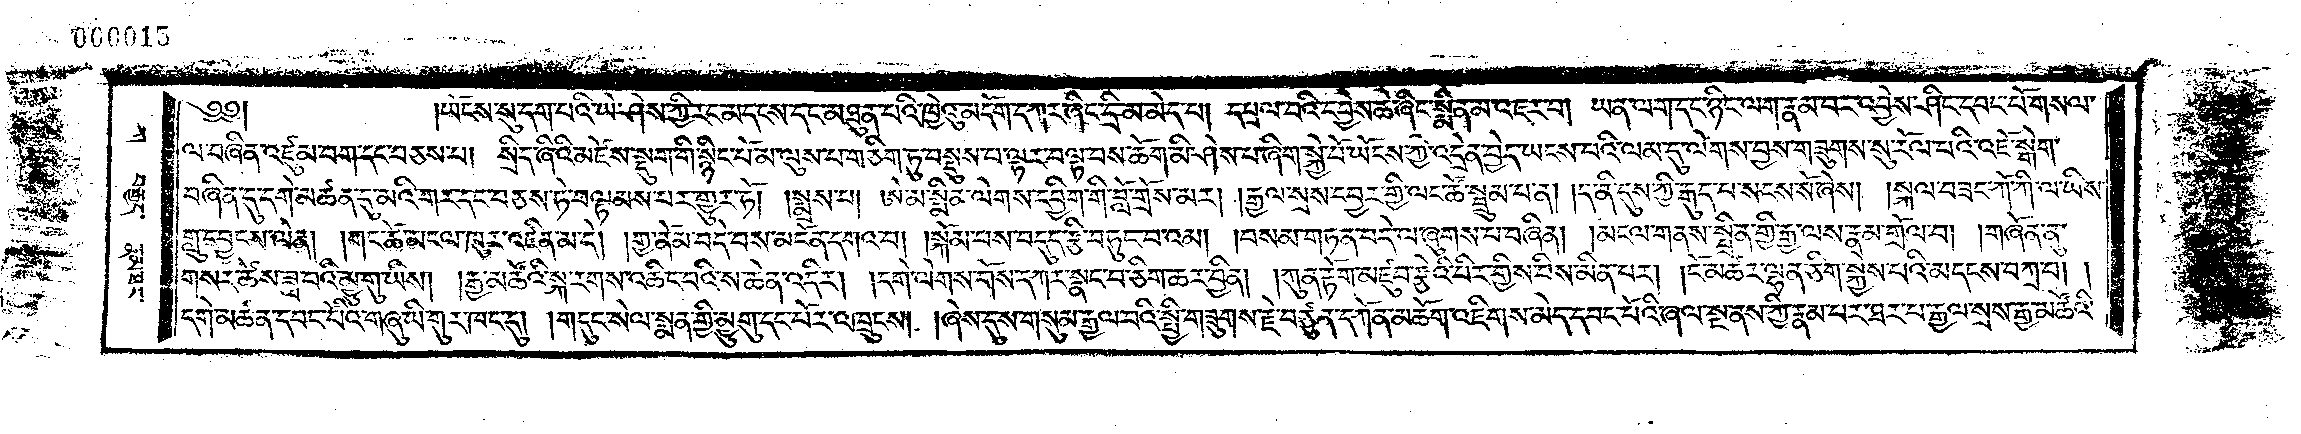༄༅། །ཡོངས་སུ་དག་པའི་ཡེ་ཤེས་ཀྱི་རང་མདངས་དང་མཐུན་པའི་ཁྱེའི་མདོག་དཀར་ཞིང་དྲི་མ་མེད་པ། དཔྲལ་བའི་དབྱེས་ཆེ་ཞིང་སྨིན་མ་འཇར་བ། ཡན་ལག་དང་ཉིང་ལག་རྣམ་པར་འབྱེས་ཤིང་དབང་པོ་གསལ་
ལ་བཞིན་འཛུམ་བག་དང་བཅས་པ། སྲིད་ཞིའི་མཛེས་སྡུག་གི་སྙིང་པོ་མ་ལུས་པ་གཅིག་ཏུ་བསྡུས་པ་ལྟར་བལྟ་བས་ཆོག་མི་ཤེས་པ་ཞིག་སྐྱེ་པོ་ཡོངས་ཀྱི་འདྲེན་བྱེད་ཡངས་པའི་ལམ་དུ་ལེགས་བྱས་གཟུགས་སུ་རོལ་པའི་འཇོ་སྒེག་
བཞིན་དུ་དགེ་མཚན་དུ་མའི་གར་དང་བཅས་ཏེ་བལྟམས་པར་གྱུར་ཏོ། །སྨྲས་པ། ཨེ་མ་སྨིན་ལེགས་དབྱིག་གི་བློ་གྲོས་མར། །རྒྱལ་སྲས་དབྱར་གྱི་ལང་ཚོ་སྦྲུམ་པ་ན། །ད་ནི་དུས་ཀྱི་རྒུད་པ་སངས་སོ་ཞེས། །སྐལ་བཟང་ཀོ་ཀི་ལ་ཡིས་
གླུ་དབྱངས་ལེན། །གང་ཚེ་མངལ་ཁུར་འཛིན་མ་དེ། །གྱ་ནོམ་བདེ་བས་མངོན་དགའ་བ། །སྐོམ་པས་བདུད་རྩི་བཏུང་བ་འམ། །བསམ་གཏན་བདེ་ལ་ཞུགས་པ་བཞིན། །མངལ་གནས་སྤྲིན་གྱི་རྒྱ་ལས་རྣམ་གྲོལ་བ། །གཞོན་ནུ་
གསར་ཚེས་ཟླ་བའི་མྱུ་གུ་ཡིས། །རྒྱ་མཚོའི་སྐ་རགས་འཆིང་བའི་ས་ཆེན་འདིར། །དགེ་ལེགས་གོས་དཀར་སྣང་བ་ཅིག་ཆར་བྱིན། །ཀུན་རྟོག་མཛུབ་རྩེའི་པིར་གྱིས་བིས་མིན་པར། །ངོ་མཚར་ལྷན་ཅིག་སྐྱེས་པའི་མདངས་བཀྲབ། །
དགེ་མཚན་དབང་པོའི་གཞུ་ཡི་གུར་ཁང་དུ། །གདུང་སེལ་སྨན་གྱི་མྱུ་གུ་དང་པོར་འཁྲུངས། །ཞེས་དུས་གསུམ་རྒྱལ་བའི་སྤྱི་གཟུགས་རྗེ་བཙུན་དཀོན་མཆོག་འཇིགས་མེད་དབང་པོའི་ཞལ་སྔ་ནས་ཀྱི་རྣམ་པར་ཐར་པ་རྒྱལ་སྲས་རྒྱ་མཚོའི་